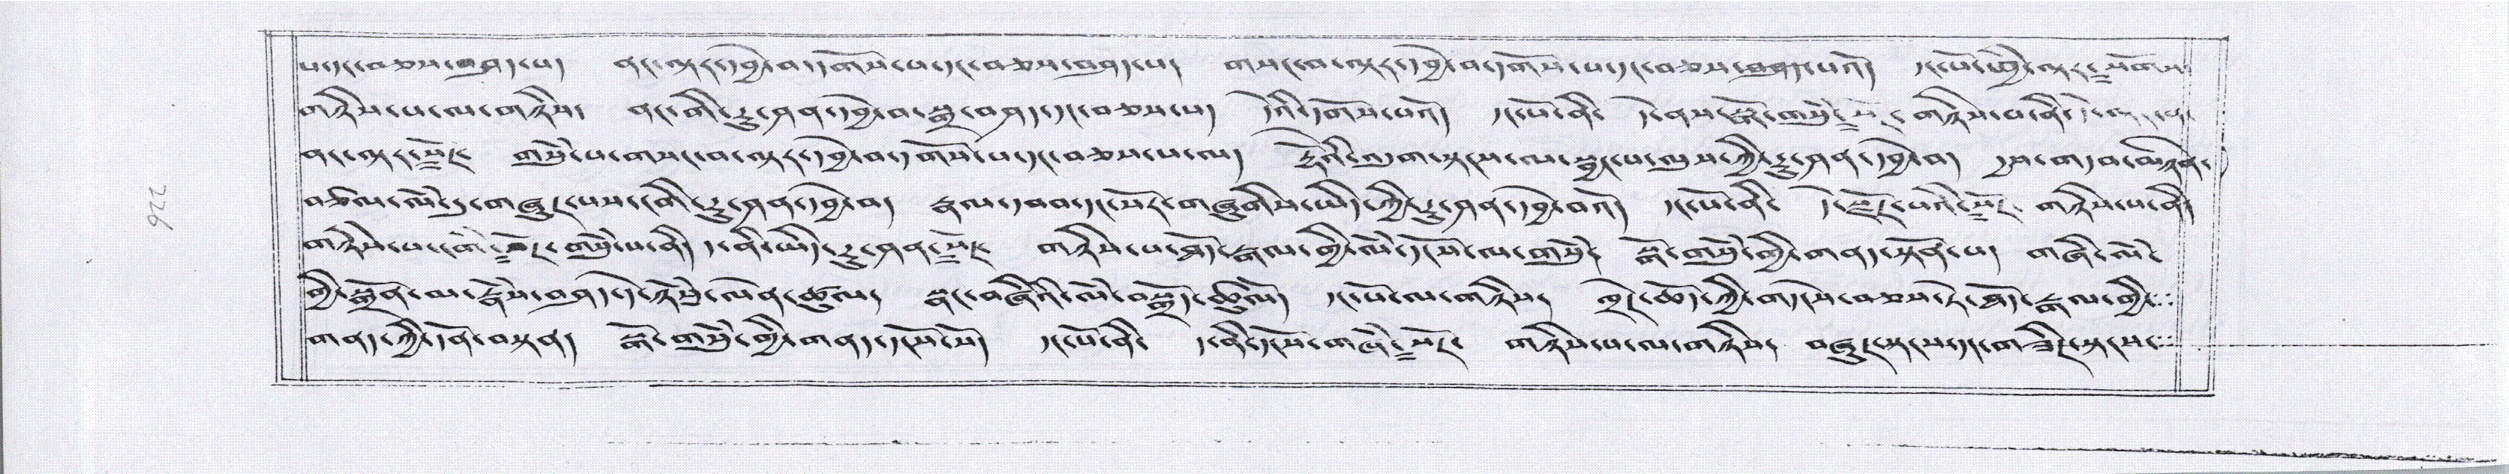པ་དང་བཅས་བཤད་པ། ནང་ལྟར་དབྱེ་བ་དགོས་པ་དང་བཅས་བཤད་པ། གསང་བ་ལྟར་དབྱེ་བ་དགོས་པ་དང་བཅས་བཤད་པའོ། དང་པོ་ཕྱི་ལྟར་སོགས། 
གཉིས་པ་ལ་གཉིས། ནང་གི་རྒྱུ་ཤན་དབྱེ་བ་སྒྲ་བཤད་དང་བཅས་པ། དེའི་དགོས་པའོ། དང་པོ་ནི། དེ་ནས་སྒོ་གསུམ་སོགས། གཉིས་པ་ནི། དེ་ལྟར་ན་
ནང་ལྟར་སོགས། གསུམ་པ་གསང་བ་ལྟར་དབྱེ་བ་དགོས་པ་དང་བཅས་པ་ལ། རྡོ་རྗེའི་འདུག་སྟངས་ལ་སྦྱང་བ་ལུས་ཀྱི་རྒྱུ་ཤན་དབྱེ་བ། རྒྱས་གདབ་མཉེན་
བཙལ་ལམ་དུ་གཞུགས་པས་ངག་གི་རྒྱུ་ཤན་དབྱེ་བ། རྣལ་དབབ་དང་པོར་གཞུགས་གི་ཡིད་ཀྱི་རྒྱུ་ཤན་དབྱེ་བའོ། དང་པོ་ནི། དེ་རྫོགས་པའི་སོགས། གཉིས་པ་ནི། 
གཉིས་པ་ངག་གི་སོགས། གསུམ་པ་ནི། ད་ནི་ཡིད་རྒྱུ་ཤན་སོགས། གཉིས་པ་ཐོད་རྒལ་གྱི་དངོས་ལ་གསུམ། སྒོ་གསུམ་གྱི་གནད་སྟོན་པ། གཞི་ལམ་
གྱི་སྒྲོན་མ་རྣམས་བཤད་དེ་ཉམས་སུ་ལེན་ཚུལ། སྣང་བཞིའི་ལམ་བསྒྲོད་ཚུལ་ལོ། དང་པོ་ལ་གཉིས། ཁྲེགས་ཆོད་ཀྱི་གདེངས་བཅས་ཏེ་ཐོད་རྒལ་གྱི་
གནད་ཀྱི་དོན་བསྟན། སྒོ་གསུམ་གྱི་གནད་དངོས་སོ། དང་པོ་ནི། ད་ནི་དངོས་གཞི་སོགས། གཉིས་པ་ལ་གཉིས། བཞུགས་སྟངས་དང་གཟིགས་སྟངས་